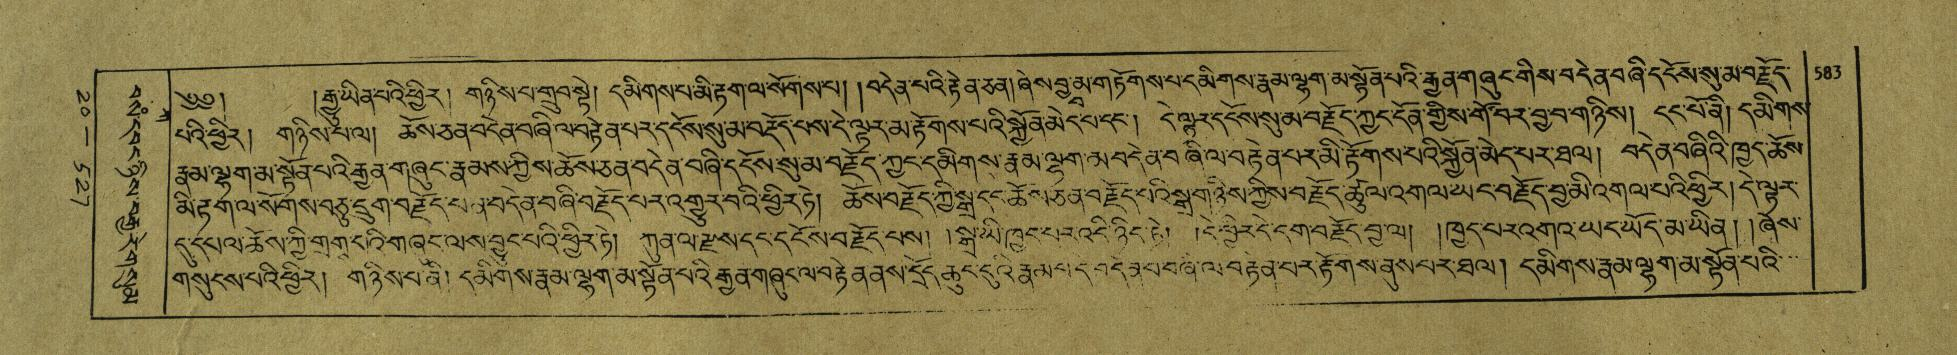༄༅། །རྒྱུ་ཡིན་པའི་ཕྱིར། གཉིས་པ་གྲུབ་སྟེ། དམིགས་པ་མི་རྟག་ལ་སོགས་པ། །བདེན་པའི་རྟེན་ཅན། ཞེས་བྱ་བ་མ་གཏོགས་པ་དམིགས་རྣམ་ལྷག་མ་སྟོན་པའི་རྒྱན་གཞུང་གིས་བདེན་བཞི་དངོས་སུ་མ་བརྗོད་
པའི་ཕྱིར། གཉིས་པ་ལ། ཆོས་ཅན་བདེན་བཞི་ལ་བརྟེན་པར་དངོས་སུ་མ་བརྗོད་པས་དེ་ལྟར་མ་རྟོགས་པའི་སྐྱོན་མེད་པ་དང་། དེ་ལྟར་དངོས་སུ་མ་བརྗོད་ཀྱང་དོན་གྱིས་གོ་བར་བྱ་བ་གཉིས། དང་པོ་ནི། དམིགས་
རྣམ་ལྷག་མ་སྟོན་པའི་རྒྱན་གཞུང་རྣམས་ཀྱིས་ཆོས་ཅན་བདེན་བཞི་དངོས་སུ་མ་བརྗོད་ཀྱང་དམིགས་རྣམ་ལྷག་མ་བདེན་བཞི་ལ་བརྟེན་པར་མི་རྟོགས་པའི་སྐྱོན་མེད་པར་ཐལ། བདེན་བཞིའི་ཁྱད་ཆོས་
མི་རྟག་ལ་སོགས་བཅུ་དྲུག་བརྗོད་པ་ན་བདེན་བཞི་བརྗོད་པར་འགྱུར་བའི་ཕྱིར་ཏེ། ཆོས་བརྗོད་ཀྱི་སྒྲ་དང་ཆོས་ཅན་བརྗོད་པའི་སྒྲ་གཉིས་ཀྱིས་བརྗོད་ཚུལ་འགལ་ཡང་བརྗོད་བྱ་མི་འགལ་བའི་ཕྱིར། དེ་ལྟར་
དུ་དཔལ་ཆོས་ཀྱི་གྲགས་པའི་གཞུང་ལས་བྱུང་པའི་ཕྱིར་ཏེ། ཀུན་ལ་རྫས་དང་དངོས་བརྗོད་པས། །སྒྲ་ཡི་ཁྱད་པར་འདི་ཉིད་ཏེ། །དེ་ཕྱིར་དེ་དག་བརྗོད་བྱ་ལ། །ཁྱད་པར་འགའ་ཡང་ཡོད་མ་ཡིན། །ཞེས་
གསུངས་པའི་ཕྱིར། གཉིས་པ་ནི། དམིགས་རྣམ་ལྷག་མ་སྟོན་པའི་རྒྱན་གཞུང་ལ་བརྟེན་ནས་དྲོད་ཆུང་དུའི་རྣམ་པ་དེ་བདེན་པ་བཞི་ལ་བརྟེན་པར་རྟོགས་ནུས་པར་ཐལ། དམིགས་རྣམ་ལྷག་མ་སྟོན་པའི་